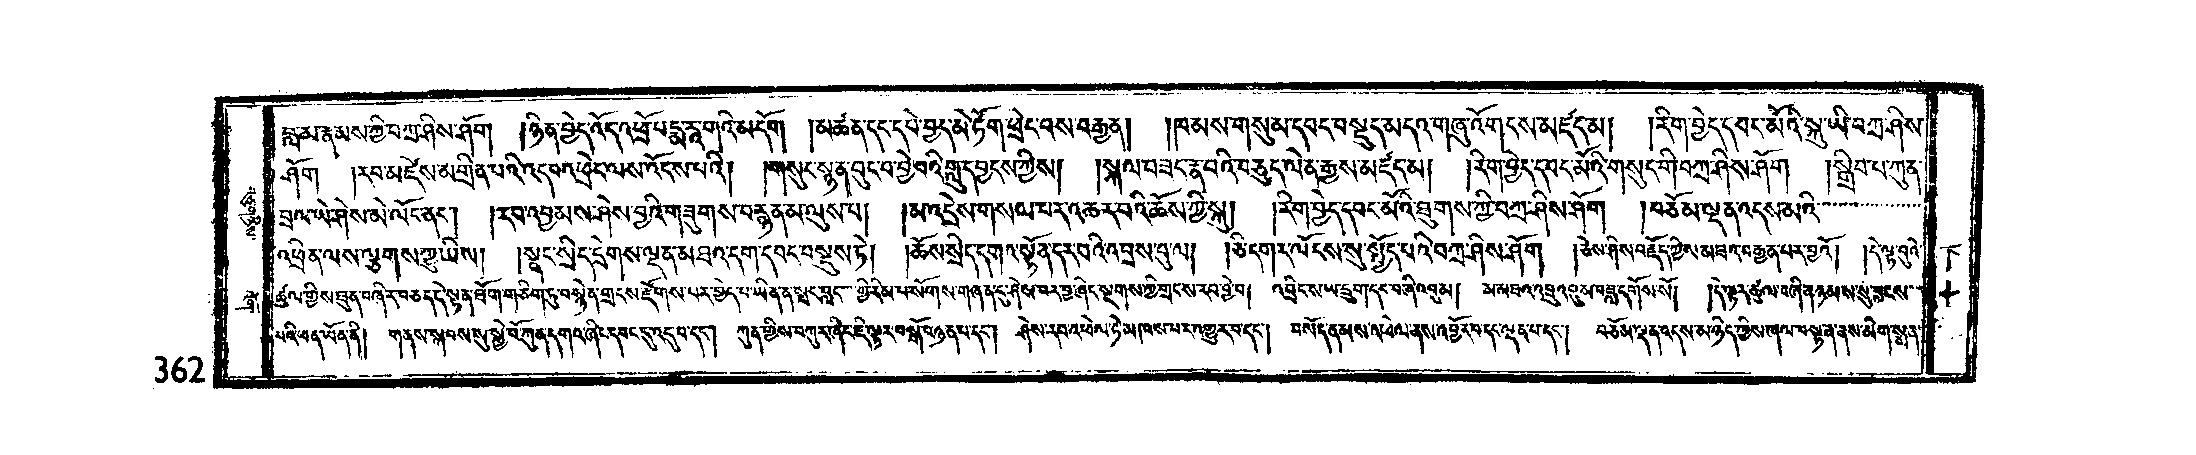བླ་མ་རྣམས་ཀྱི་བཀྲ་ཤིས་ཤོག །ཉིན་བྱེད་འོད་འཕྲོ་པདམ་རཱ་གའི་མདོག །མཚན་དང་དཔེ་བྱད་མེ་ཏོག་ཕྲེང་བས་བརྒྱན། །ཁམས་གསུམ་དབང་བསྡུད་མདའ་གཞུ་འོག་ངས་མཛད་མ། །རིག་བྱེད་དབང་མོའི་སྐུ་ཡི་བཀྲ་ཤིས་
ཤོག །རབ་མཛེས་མགྲིན་པའི་འདབ་འཕྲེང་ལས་འོངས་པའི། །གསུང་སྙན་བུང་བ་བྱེ་བའི་གླུ་དབྱངས་ཀྱིས། །སྐལ་བཟང་རྣ་བའི་བཅུད་ལེན་རྒྱས་མཛད་མ། །རིག་བྱེད་དབང་མོའི་གསུང་གི་བཀྲ་ཤིས་ཤོག །སྒྲིབ་པ་ཀུན་
བྲལ་ཡེ་ཤེས་མེ་ལོང་ནང་། །རབ་འབྱམས་ཤེས་བྱའི་གཟུགས་བརྙན་མ་ལུས་པ། །མ་འདྲེས་གསལ་བར་འཆར་བའི་ཆོས་ཀྱི་སྐུ། །རིག་བྱེད་དབང་མོའི་ཐུགས་ཀྱི་བཀྲ་ཤིས་ཤོག །བཅོམ་ལྡན་འདས་མའི་
འཕྲིན་ལས་ལྕགས་ཀྱུ་ཡིས། །སྣང་སྲིད་དྲེགས་ལྡན་མཐའ་དག་དབང་བསྡུས་ཏེ། །ཆོས་སྲིད་དགའ་སྟོན་དར་བའི་འབྲས་བུ་ལ། །ཅི་དགར་ལོངས་སུ་སྤྱོད་པའི་བཀྲ་ཤིས་ཤོག །ཅེས་ཤིས་བརྗོད་ཀྱིས་མཐའ་བརྒྱན་པར་བྱའོ། །དེ་ལྟ་བུའི་
ཚུལ་གྱིས་ཐུན་བཞིར་བཅད་དེ་སྟན་ཐོག་གཅིག་ཏུ་བསྙེན་གྲངས་རྫོགས་པར་བྱེད་པ་ཡིན་ན་སྤང་བླང་གྱི་རིམ་པ་སོགས་གཞན་དུ་ཤེས་བར་བྱ་ཞིང་སྔགས་ཀྱི་གྲངས་རབ་བྱེ་བ། འབྲིང་ས་ཡ་དྲུག་དང་བཞི་འབུམ། མ་མཐའ་འབྲུ་འབུམ་བཟླ་དགོས་སོ། །དེ་ལྟར་ཚུལ་བཞིན་ཉམས་སུ་བླངས་
པའི་ཕན་ཡོན་ནི། གནས་སྐབས་སུ་སྐྱེ་བོ་ཀུན་དགའ་ཞིང་དབང་དུ་འདུ་བ་དང་། ཀུན་གྱིས་བཀུར་ཞིང་ཇི་ལྟར་བསྒོ་བ་ཉན་པ་དང་། ཤེས་རབ་འཕེལ་ཏེ་མཁས་པར་འགྱུར་བ་དང་། བསོད་ནམས་འཕེལ་ནས་འབྱོར་བ་དང་ལྡན་པ་དང་། བཅོམ་ལྡན་འདས་མ་ཉིད་ཀྱིས་ཞལ་བསྟན་ནས་མིག་སྨན་